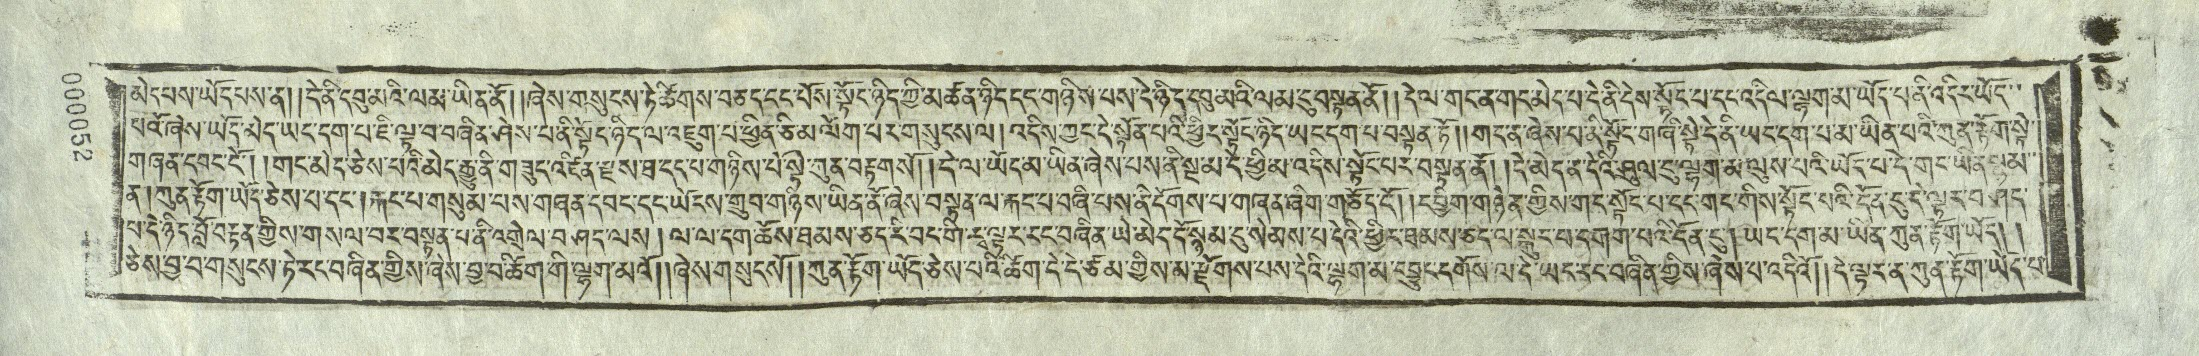མེད་པས་ཡོད་པས་ན། །དེ་ནི་དབུ་མའི་ལམ་ཡིན་ནོ། །ཞེས་གསུངས་ཏེ་ཚིགས་བཅད་དང་པོས་སྟོང་ཉིད་ཀྱི་མཚན་ཉིད་དང་གཉིས་པས་དེ་ཉིད་དབུ་མའི་ལམ་དུ་བསྟན་ནོ། །དེ་ལ་གང་ན་གང་མེད་པ་དེ་ནི་དེས་སྟོང་པ་དང་འདི་ལ་ལྷག་མ་ཡོད་པ་ནི་འདིར་ཡོད་
པའོ་ཞེས་ཡོད་མེད་ཡང་དག་པ་ཇི་ལྟ་བ་བཞིན་ཤེས་པ་ནི་སྟོང་ཉིད་ལ་འཇུག་པ་ཕྱིན་ཅི་མ་ལོག་པར་གསུངས་ལ། འདིས་ཀྱང་དེ་སྟོན་པའི་ཕྱིར་སྟོང་ཉིད་ཡང་དག་པ་བསྟན་ཏོ། །གང་ན་ཞེས་པ་ནི་སྟོང་གཞི་སྟེ་དེ་ནི་ཡང་དག་པ་མ་ཡིན་པའི་ཀུན་རྟོག་སྟེ་
གཞན་དབང་ངོ། །གང་མེད་ཅེས་པའི་མེད་རྒྱུ་ནི་གཟུང་འཛིན་རྫས་ཐ་དད་པ་གཉིས་པོ་སྟེ་ཀུན་བརྟགས་སོ། །དེ་ལ་ཡོད་མ་ཡིན་ཞེས་པས་ནི་སྔ་མ་དེ་ཕྱི་མ་འདིས་སྟོང་པར་བསྟན་ནོ། །དེ་མེད་ན་དེའི་ཤུལ་དུ་ལྷག་མ་ལུས་པའི་ཡོད་པ་དེ་གང་ཡིན་སྙམ་
ན། ཀུན་རྟོག་ཡོད་ཅེས་པ་དང་། རྐང་པ་གསུམ་པས་གཞན་དབང་དང་ཡོངས་གྲུབ་གཉིས་ཡིན་ནོ་ཞེས་བསྟན་ལ་རྐང་པ་བཞི་པས་ནི་དོགས་པ་གཞན་ཞིག་གཅོད་དོ། །དབྱིག་གཉེན་གྱིས་གང་སྟོང་པ་དང་གང་གིས་སྟོང་པའི་དོན་དུ་དེ་ལྟར་བཤད་
པ་དེ་ཉིད་བློ་བརྟན་གྱིས་གསལ་བར་བསྟན་པ་ནི་འགྲེལ་བཤད་ལས། ལ་ལ་དག་ཆོས་ཐམས་ཅད་རི་བོང་གི་རྭ་ལྟར་རང་བཞིན་ཡེ་མེད་དོ་སྙམ་དུ་སེམས་པ་དེའི་ཕྱིར་ཐམས་ཅད་ལ་སྐུར་པ་དགག་པའི་དོན་དུ། ཡང་དག་མ་ཡིན་ཀུན་རྟོག་ཡོད། །
ཅེས་བྱ་བ་གསུངས་ཏེ་རང་བཞིན་གྱིས་ཞེས་བྱ་བ་ཚིག་གི་ལྷག་མའོ། །ཞེས་གསུངས་སོ། །ཀུན་རྟོག་ཡོད་ཅེས་པའི་ཚིག་དེ་དེ་ཙམ་གྱིས་མ་རྫོགས་པས་དེའི་ལྷག་མ་དབྱུང་དགོས་ལ་དེ་ཡང་རང་བཞིན་གྱིས་ཞེས་པ་འདིའོ། །དེ་ལྟར་ན་ཀུན་རྟོག་ཡོད་པ་